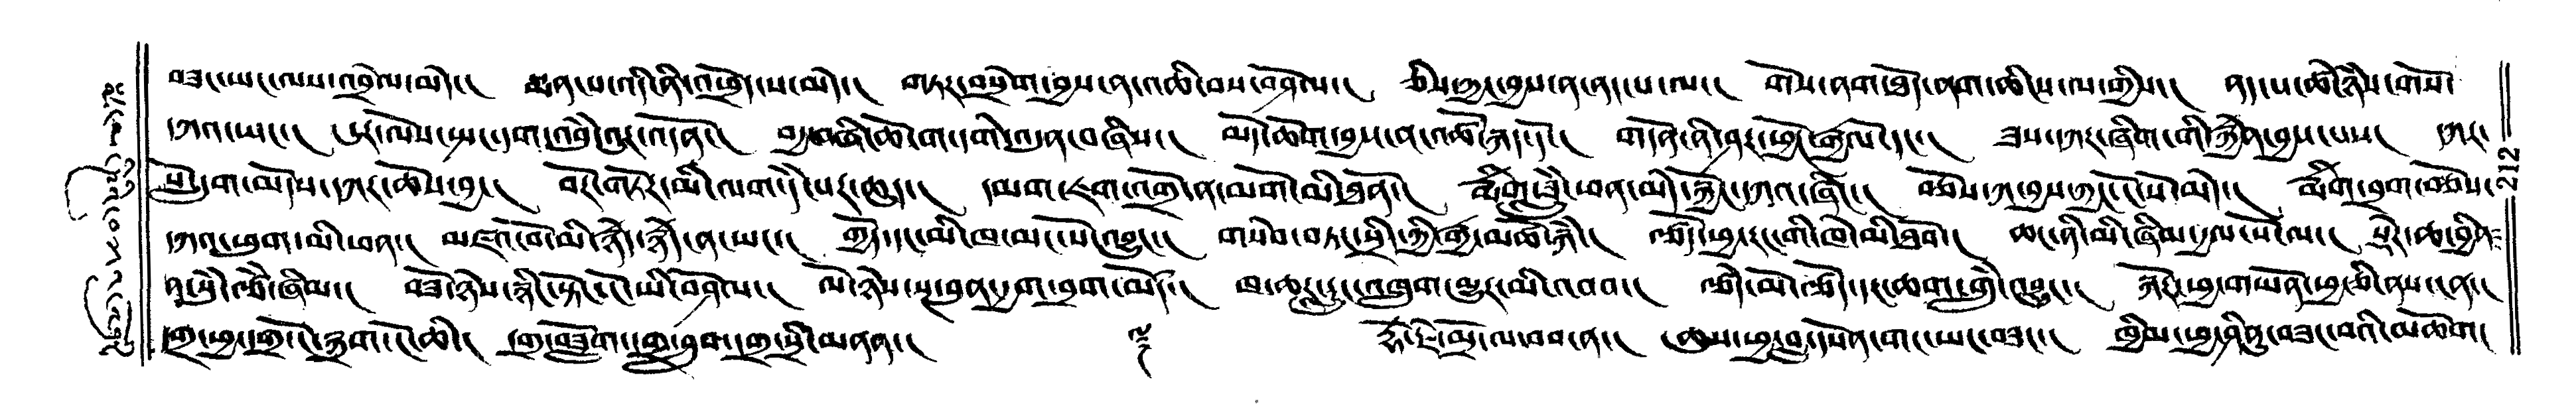བཟང་ཡང་ལས་འབྲེལ་མེད། །སྨན་པ་འདི་ནི་འཕྲོད་པ་མེད། །གཏར་བསྲེག་བྱས་ན་འཆི་བས་བཤོལ། །ཅིས་ཀྱང་བྱས་ན་ནད་པ་ལ། །གོས་ནག་ཐོད་ནག་ཆིངས་ལ་གྱིས། །ནད་པ་ཚེ་ཉམས་གསོ་
དཀའ་ཡང་། །དུར་ལོས་སྤང་དག་འབུམ་འུར་འདོན། །བརྒྱ་བཞི་ཆོ་ག་དགེ་འདུན་བཞིས། །མདོ་ཆོག་བྱས་ན་འཚོ་སྐད་དོ། །གདོན་ནི་ཤར་ཕྱོགས་རྒྱལ་པོ་དང་། །ཟས་དཀར་ཞིག་གི་རྐྱེན་བྱས་པས། །དཀར་
པོ་དྲུག་མདོས་དཀར་ཆོས་བྱ། །བོར་གཏོར་མི་ལག་དམ་པར་ཆུད། །དམག་ཇག་འགྲོ་ན་མགོ་མི་ཐོན། །རྨིག་ཟླུམ་ཕན་མེད་སྐྱོང་དཀའ་ཞིང་། །བཅོས་ཀ་བྱས་ཀྱང་ངོ་སོ་མེད། །རྨིག་དབྲག་བཅོས་
དཀའ་ཕུགས་མི་ཕན། །མཛའ་བོ་མི་རྙེད་རྙེད་ན་ཡང་། །གྱོད་དང་མི་ཁ་མང་པོ་འབྱུང་། །གསེབ་བཏང་སྲིད་ཀྱི་རྒྱ་མཚོ་སྐམ། རྩོད་ཕྱྭ་རང་གི་ཁེ་མི་ཐོབ། ཆང་ནི་མི་ཞིམ་རྒྱལ་པོ་ལ། སྟེར་ཆ་བྱིན་
ན་གསུམ་ཙམ་ཞིམ།བཟོ་ཉེས་སྙིང་སྟོང་ངོ་ཡི་བཤོལ། ལོ་ཉེས་སྔ་བུན་རྒྱགས་བྲབས་མཛོད། ཁ་ཆར་རླུག་འཁྲུགས་ཆར་མི་འབབ། རྩེད་མོ་རྩོད་དང་ཆག་གྲུམ་འབྱུང་། །སྐོར་ཕྱྭ་གཡོན་ཕྱྭ་ཅི་ནས་ངན། 
དགྲ་ཕྱྭ་དགྲ་ངོ་སྐྲག་ངོ་ཆེ། །དགྲ་བཟློག་དགྲ་བྲུབ་དགྲ་སྲི་མནན། ༈ རྡོ་རྗེ་མཁའ་འགྲཽ་ལ་བབ་ན། ཆུས་ཕྱྭ་བླ་དཔོན་གང་ཡང་བཟང་། ཁྱིམ་ཕྱྭ་ཤིན་བཟང་བའི་མཆོག